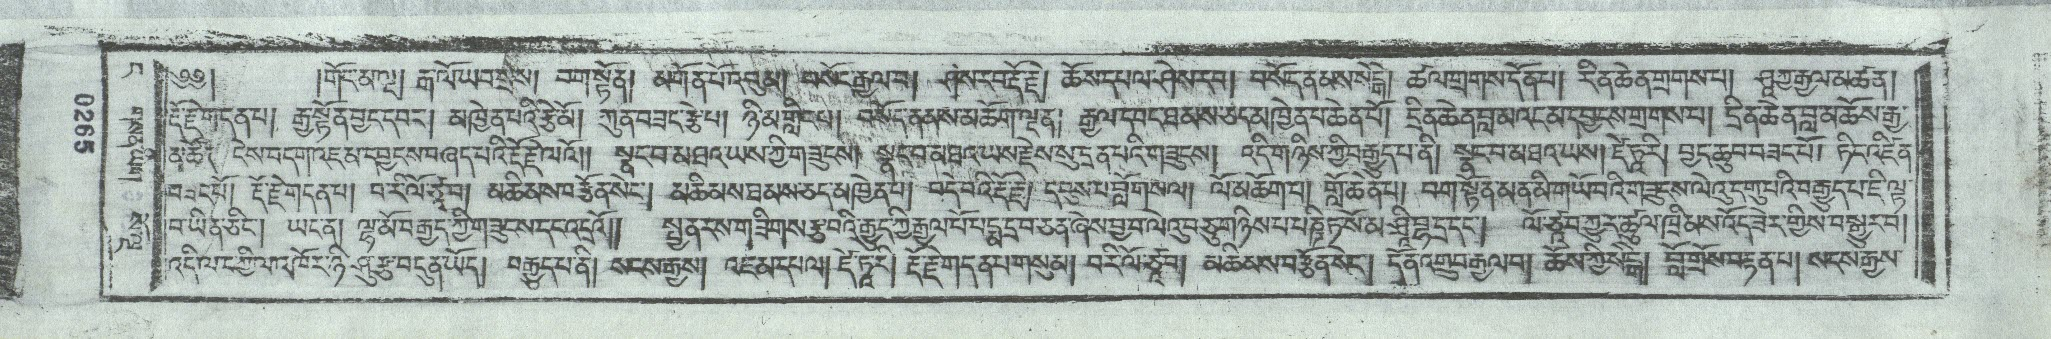༄༅། །གོང་མ་ལྔ། རྒ་ལོ་ཡབ་སྲས། བག་སྟོན། མགོན་པོ་འབུམ། བསོད་རྒྱལ་བ། ཤེས་རབ་རྡོ་རྗེ། ཆོས་དཔལ་ཤེས་རབ། བསོད་ནམས་སེངྒེ། ཚལ་གྲགས་དོན་པ། རིན་ཆེན་གྲགས་པ། ཤཱཀྱ་རྒྱལ་མཚན།
རྡོ་རྗེ་གདན་པ། རྒྱ་སྟོན་བྱང་དབང་། མཁྱེན་པའི་རྩེ་མོ། ཀུན་བཟང་རྩེ་པ། ཉི་མ་གླིང་པ། བསོད་ནམས་མཆོག་ལྡན། རྒྱལ་དབང་ཐམས་ཅད་མཁྱེན་པ་ཆེན་པོ། དྲིན་ཆེན་བླ་མའང་དབྱངས་གྲགས་པ། དྲིན་ཆེན་བླ་མ་ཆོས་རྒྱ་
མཚོ༑ དེས་བདག་འཇམ་དབྱངས་བཞད་པའི་རྡོ་རྗེ་ལའོ།། སྣང་བ་མཐའ་ཡས་ཀྱི་གཟུངས། སྣང་བ་མཐའ་ཡས་རྗེས་སུ་དྲན་པའི་གཟུངས། འདི་གཉིས་ཀྱི་བརྒྱུད་པ་ནི། སྣང་བ་མཐའ་ཡས། རྫེ་ཏཱ་རི། བྱང་ཆུབ་བཟང་པོ། ཏིང་འཛིན་
བཟང་པོ། རྡོ་རྗེ་གདན་པ། བ་རི་ལོ་ཙཱ་བ། མཆིམས་བརྩོན་སེང་། མཆིམས་ཐམས་ཅད་མཁྱེན་པ། བདེ་བའི་རྡོ་རྗེ། དངུས་པ་བློ་གསལ། ལོ་མཆོག་པ། གློ་ཆེན་པ། བག་སྟོན་མན་མི་གཡོ་བའི་གཟུངས་ལེའུ་དགུ་པའི་བརྒྱུད་པ་ཇི་ལྟ་
བ་ཡིན་ཅིང་། ཡང་ན། ལྷ་མོ་བརྒྱད་ཀྱི་གཟུངས་དང་འདྲའོ།། སྤྱན་རས་གཟིགས་རྩ་བའི་རྒྱུད་ཀྱི་རྒྱལ་པོ་པདམ་དྲ་བ་ཅན་ཞེས་བྱ་བ་ལེའུ་བཅུ་གཉིས་པ་པཎྜི་ཏ་ཉ་སོམ་ཤྲཱི་བྷ་དྲ་དང་། ལོ་ཙཱ་བ་ཀྱུར་ཚུལ་ཁྲིམས་འོད་ཟེར་གྱིས་བསྒྱུར་བ།
འདི་ལ་དཀྱིལ་འཁོར་ཉི་ཤུ་རྩ་བདུན་ཡོད། བརྒྱུད་པ་ནི། སངས་རྒྱས། འཇམ་དཔལ། ཛེ་ཏཱ་རེ། རྡོ་རྗེ་གདན་པ་གསུམ། བ་རི་ལོ་ཙཱ་བ། མཆིམས་བརྩོན་སེང་། དོན་འགྲུབ་རྒྱལ་པ། ཆོས་ཀྱིས་སེངྒེ། བློ་གྲོས་བརྟན་པ། སངས་རྒྱས་